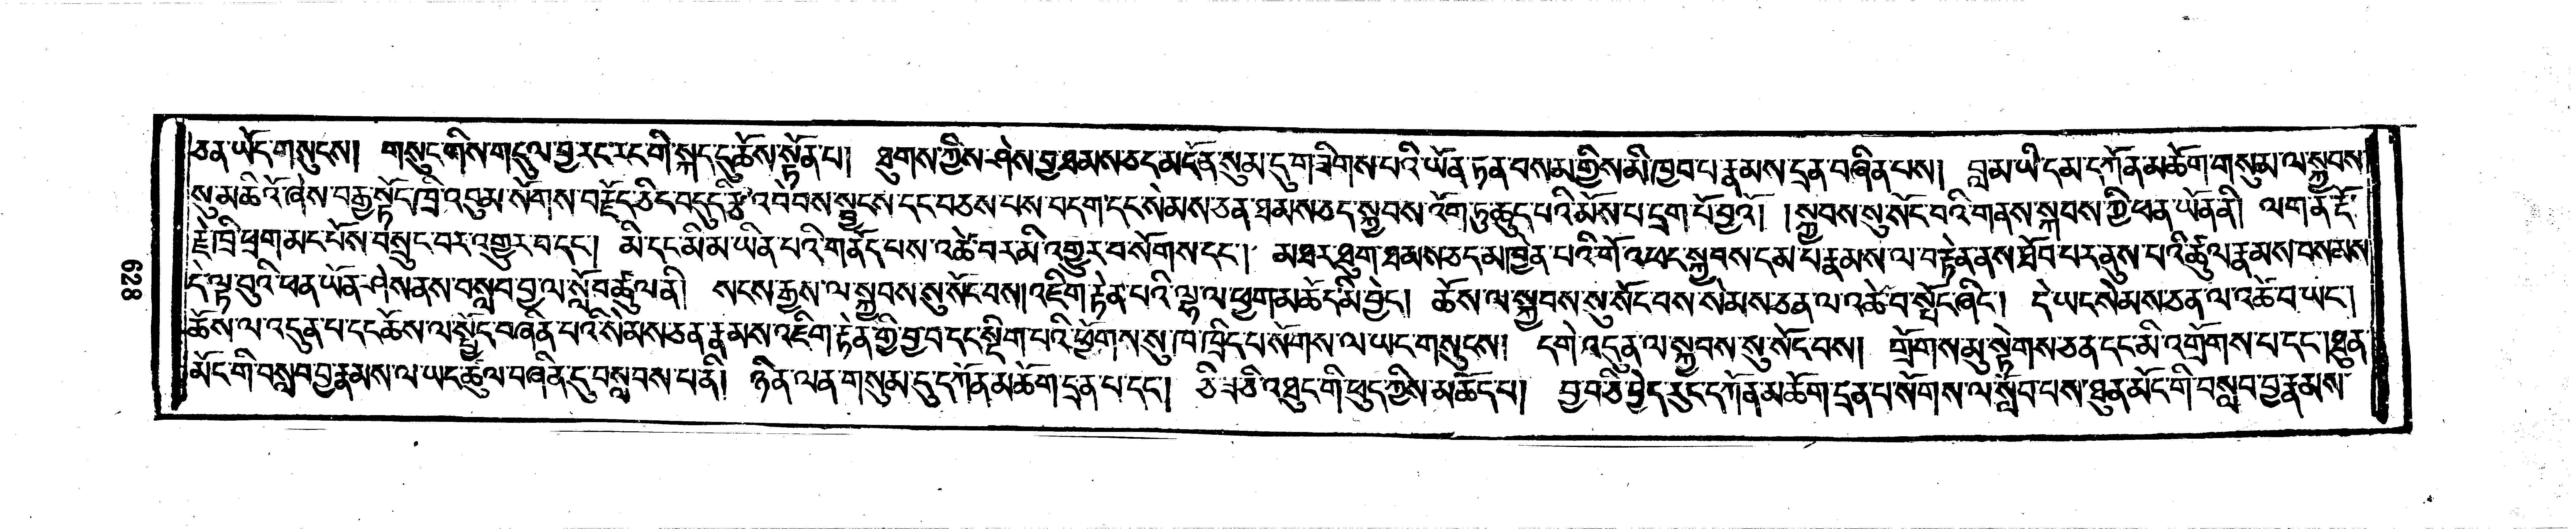ཅན་ཡོད་གསུངས། གསུང་གིས་གདུལ་བྱ་རང་རང་གི་སྐད་དུ་ཆོས་སྟོན་པ། ཐུགས་ཀྱིས་ཤེས་བྱ་ཐམས་ཅད་མངོན་སུམ་དུ་གཟིགས་པའི་ཡོན་ཏན་བསམ་གྱིས་མི་ཁྱབ་པ་རྣམས་དྲན་བཞིན་པས། བླ་མ་ཡི་དམ་དཀོན་མཆོག་གསུམ་ལ་སྐྱབས་
སུ་མཆིའོ་ཞེས་བརྒྱ་སྟོང་ཁྲི་འབུམ་སོགས་བརྗོད་ཅིང་བདུད་རྩི་འབེབས་སྦྱངས་དང་བཅས་པས་བདག་དང་སེམས་ཅན་ཐམས་ཅད་སྐྱབས་འོག་ཏུ་ཆུད་པའི་མོས་པ་དྲག་པོ་བྱའོ། །སྐྱབས་སུ་སོང་བའི་གནས་སྐབས་ཀྱི་ཕན་ཡོན་ནི། ལག་ན་རྡོ་
རྗེ་ཁྲི་ཕྲག་མང་པོས་བསྲུང་བར་འགྱུར་བ་དང་། མི་དང་མི་མ་ཡིན་པའི་གནོད་པས་འཚེ་བར་མི་འགྱུར་བ་སོགས་དང་། མཐར་ཐུག་ཐམས་ཅད་མཁྱེན་པའི་གོ་འཕང་སྐྱབས་དམ་པ་རྣམས་ལ་བརྟེན་ནས་ཐོབ་པར་ནུས་པའི་ཚུལ་རྣམས་བསམས་
དེ་ལྟ་བུའི་ཕན་ཡོན་ཤེས་ནས་བསླབ་བྱ་ལ་སློབ་ཚུལ་ནི། སངས་རྒྱས་ལ་སྐྱབས་སུ་སོང་བས། འཇིག་རྟེན་པའི་ལྷ་ལ་ཕྱག་མཆོད་མི་བྱེད། ཆོས་ལ་སྐྱབས་སུ་སོང་བས་སེམས་ཅན་ལ་འཚེ་བ་སྤོང་ཞིང་། དེ་ཡང་སེམས་ཅན་ལ་འཚེ་བ་ཡང་།
ཆོས་ལ་འདུན་པ་དང་ཆོས་ལ་སྤྱོད་བཞིན་པའི་སེམས་ཅན་རྣམས་འཇིག་རྟེན་གྱི་བྱ་བ་དང་སྡིག་པའི་ཕྱོགས་སུ་ཁ་ཁྲིད་པ་སོགས་ལ་ཡང་གསུངས། དགེ་འདུན་ལ་སྐྱབས་སུ་སོང་བས། གྲོགས་མུ་སྟེགས་ཅན་དང་མི་འགྲོགས་པ་དང་།ཐུན་
མོང་གི་བསླབ་བྱ་རྣམས་ལ་ཡང་ཚུལ་བཞིན་དུ་བསླབས་པ་ནི། ཉིན་ལན་གསུམ་དུ་དཀོན་མཆོག་དྲན་པ་དང་། ཅི་ཟ་ཅི་འཐུང་གི་ཕུད་ཀྱིས་མཆོད་པ། བྱ་བ་ཅི་བྱེད་རུང་དཀོན་མཆོག་དྲན་པ་སོགས་ལ་སློབ་པས་ཐུན་མོང་གི་བསླབ་བྱ་རྣམས་